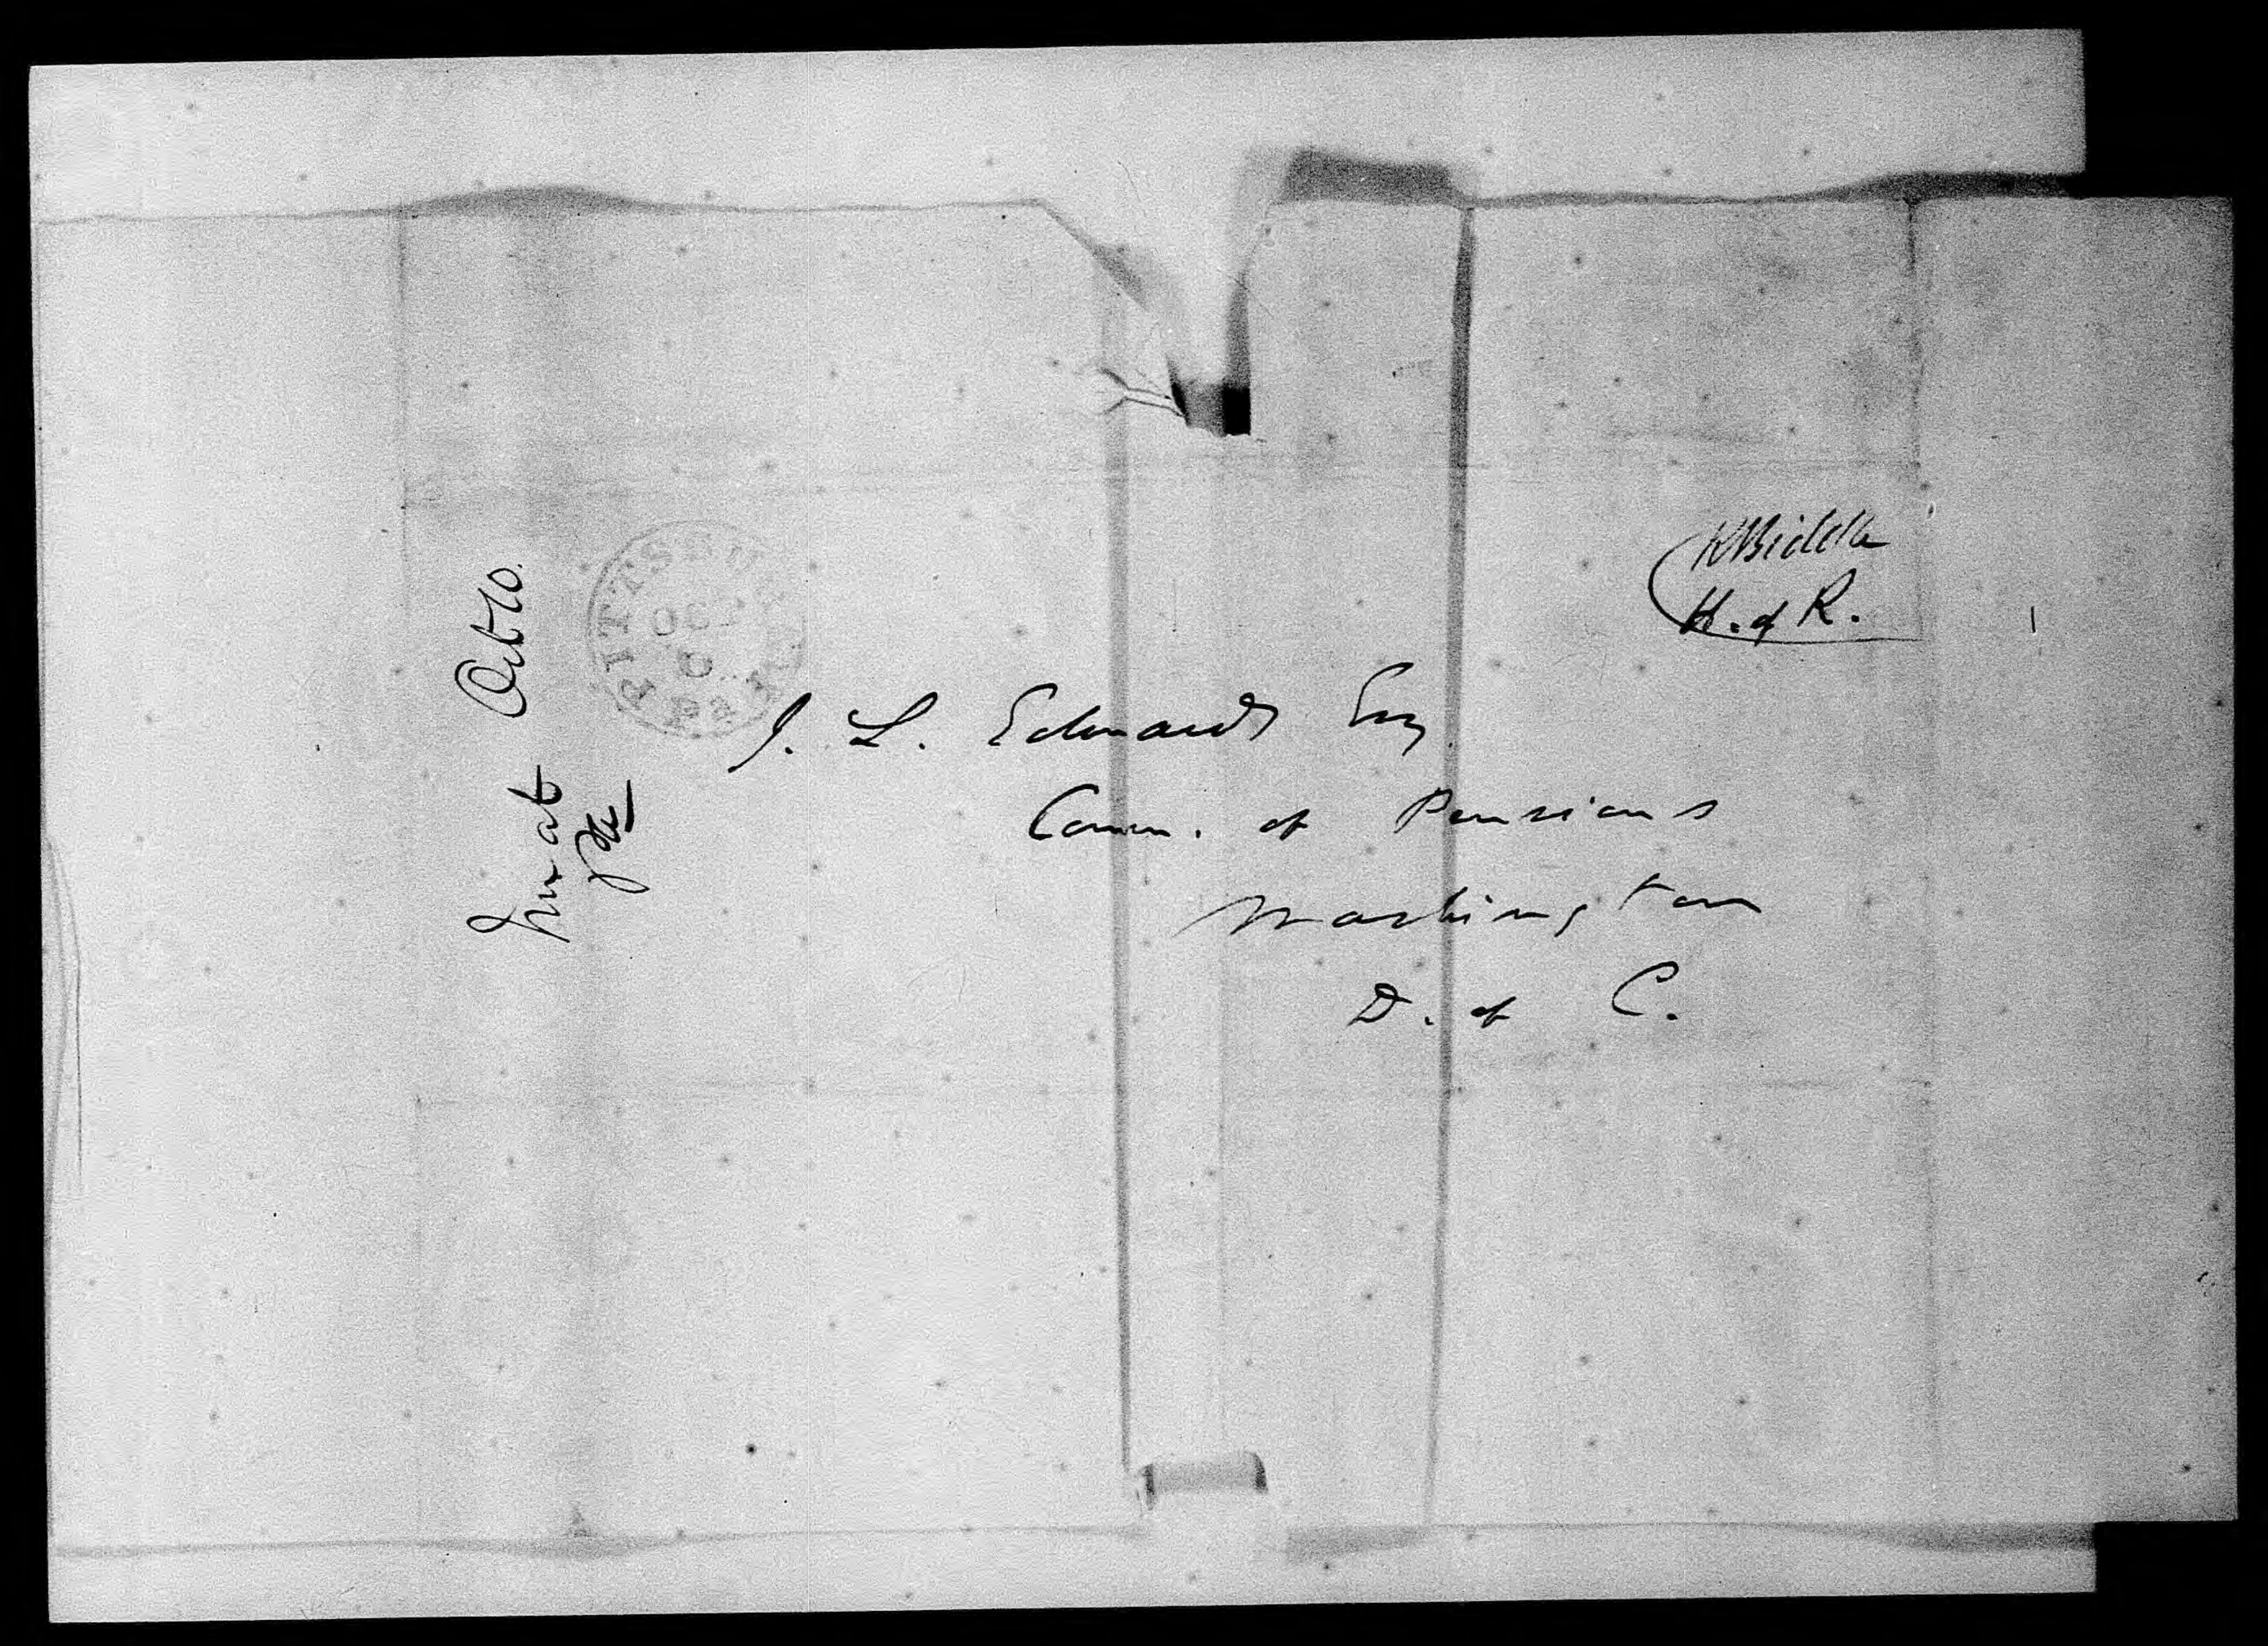Stamp mark:
PITTSBURG Pa
Oct 6

R Biddle
H. of R.

J. L. Edwards Esq
Comm. of Pensions
Washington
D. of C.

In at Oct 10.
pa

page: 31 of 50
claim: widow's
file: W. 4253, for John Kent, Vermont